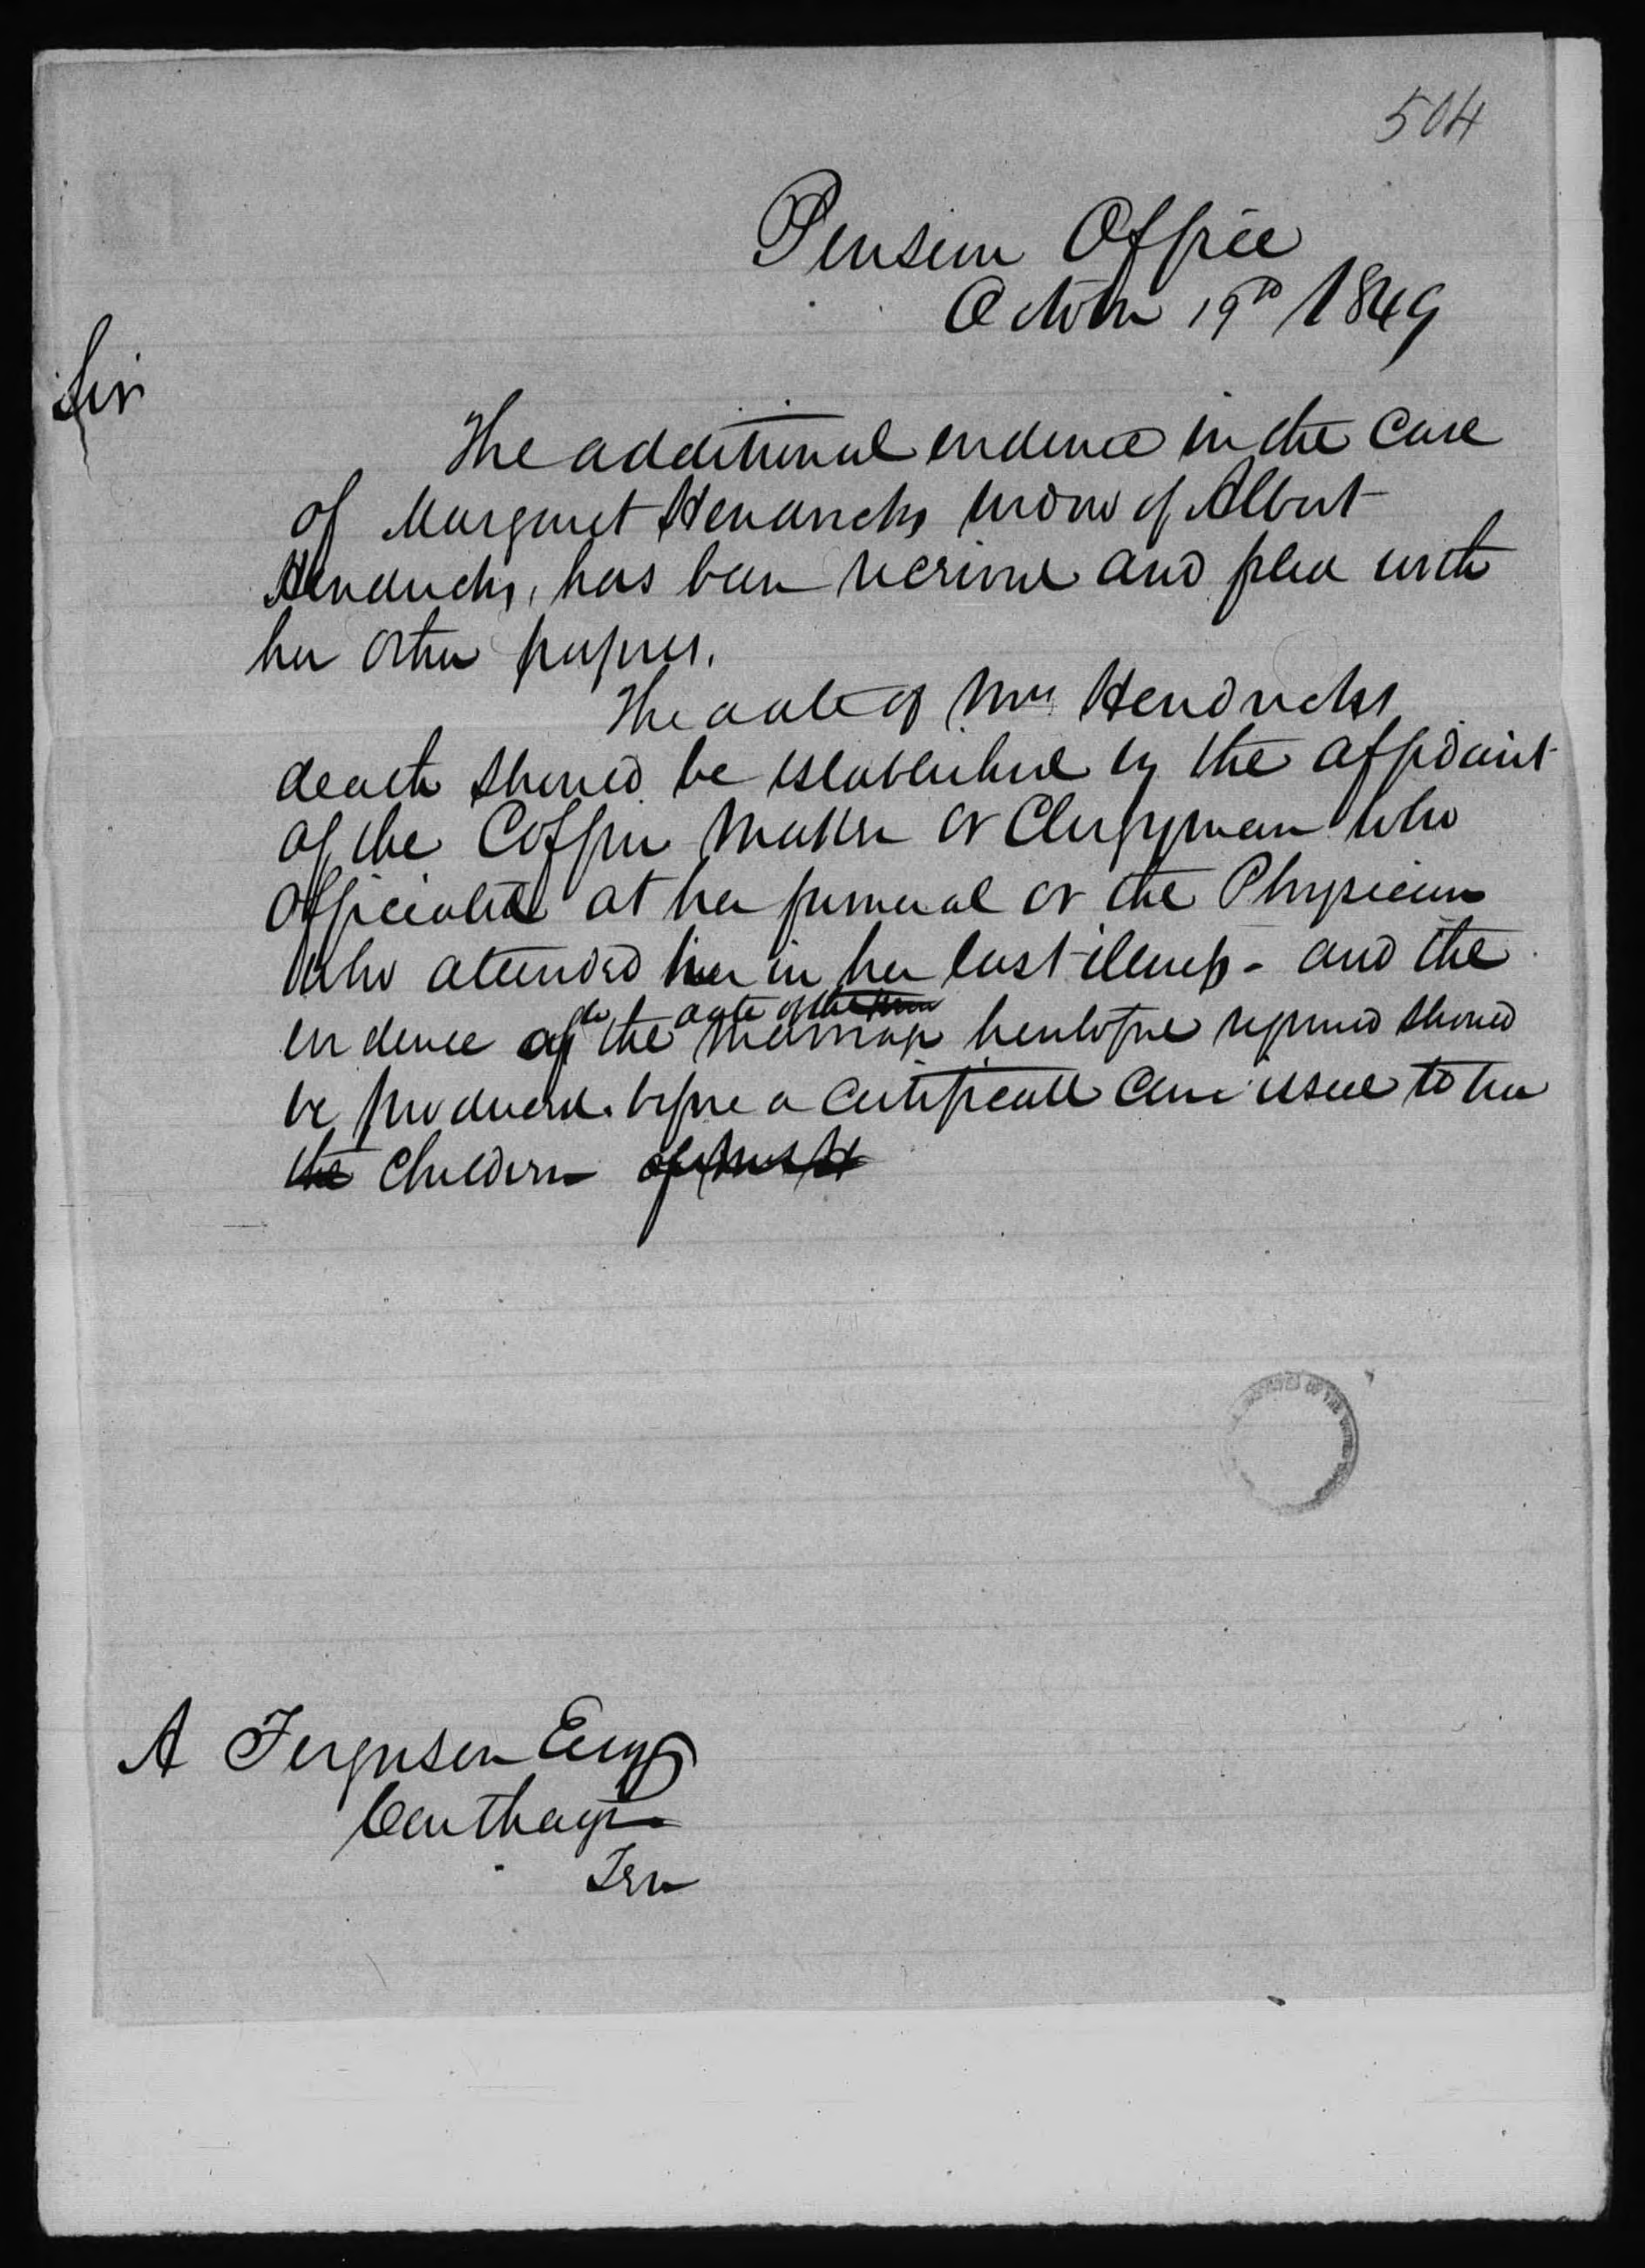504
Pension Office
October 19th 1849

Sir

The additional evidence in the case 
of Margaret Hendricks widow of Albert 
Hendricks, has been received and filed with 
her other papers.

The date of Mrs Hendricks 
death should be established by the affidavit 
of the coffin maker or clergyman who 
officiated at her funeral or the physician 
who attended her in her last illness.  And the 
evidence of the date of [words struck out] the marriage heretofore [illegible] should 
be produced before a certificate can issue to her 
[struck out: the] children [struck out: of Mrs H]

[Circular stamp of National Archives]
THE NATIONAL ARCHIVES OF THE UNITED STATES

A Ferguson Esqr
Carthage
Tenn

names: A Ferguson, Hendricks, Albert Hendricks, Margaret Hendricks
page: 55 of 76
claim: widow's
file: W. 83, Albert Hendricks, Continental Md. N.C.